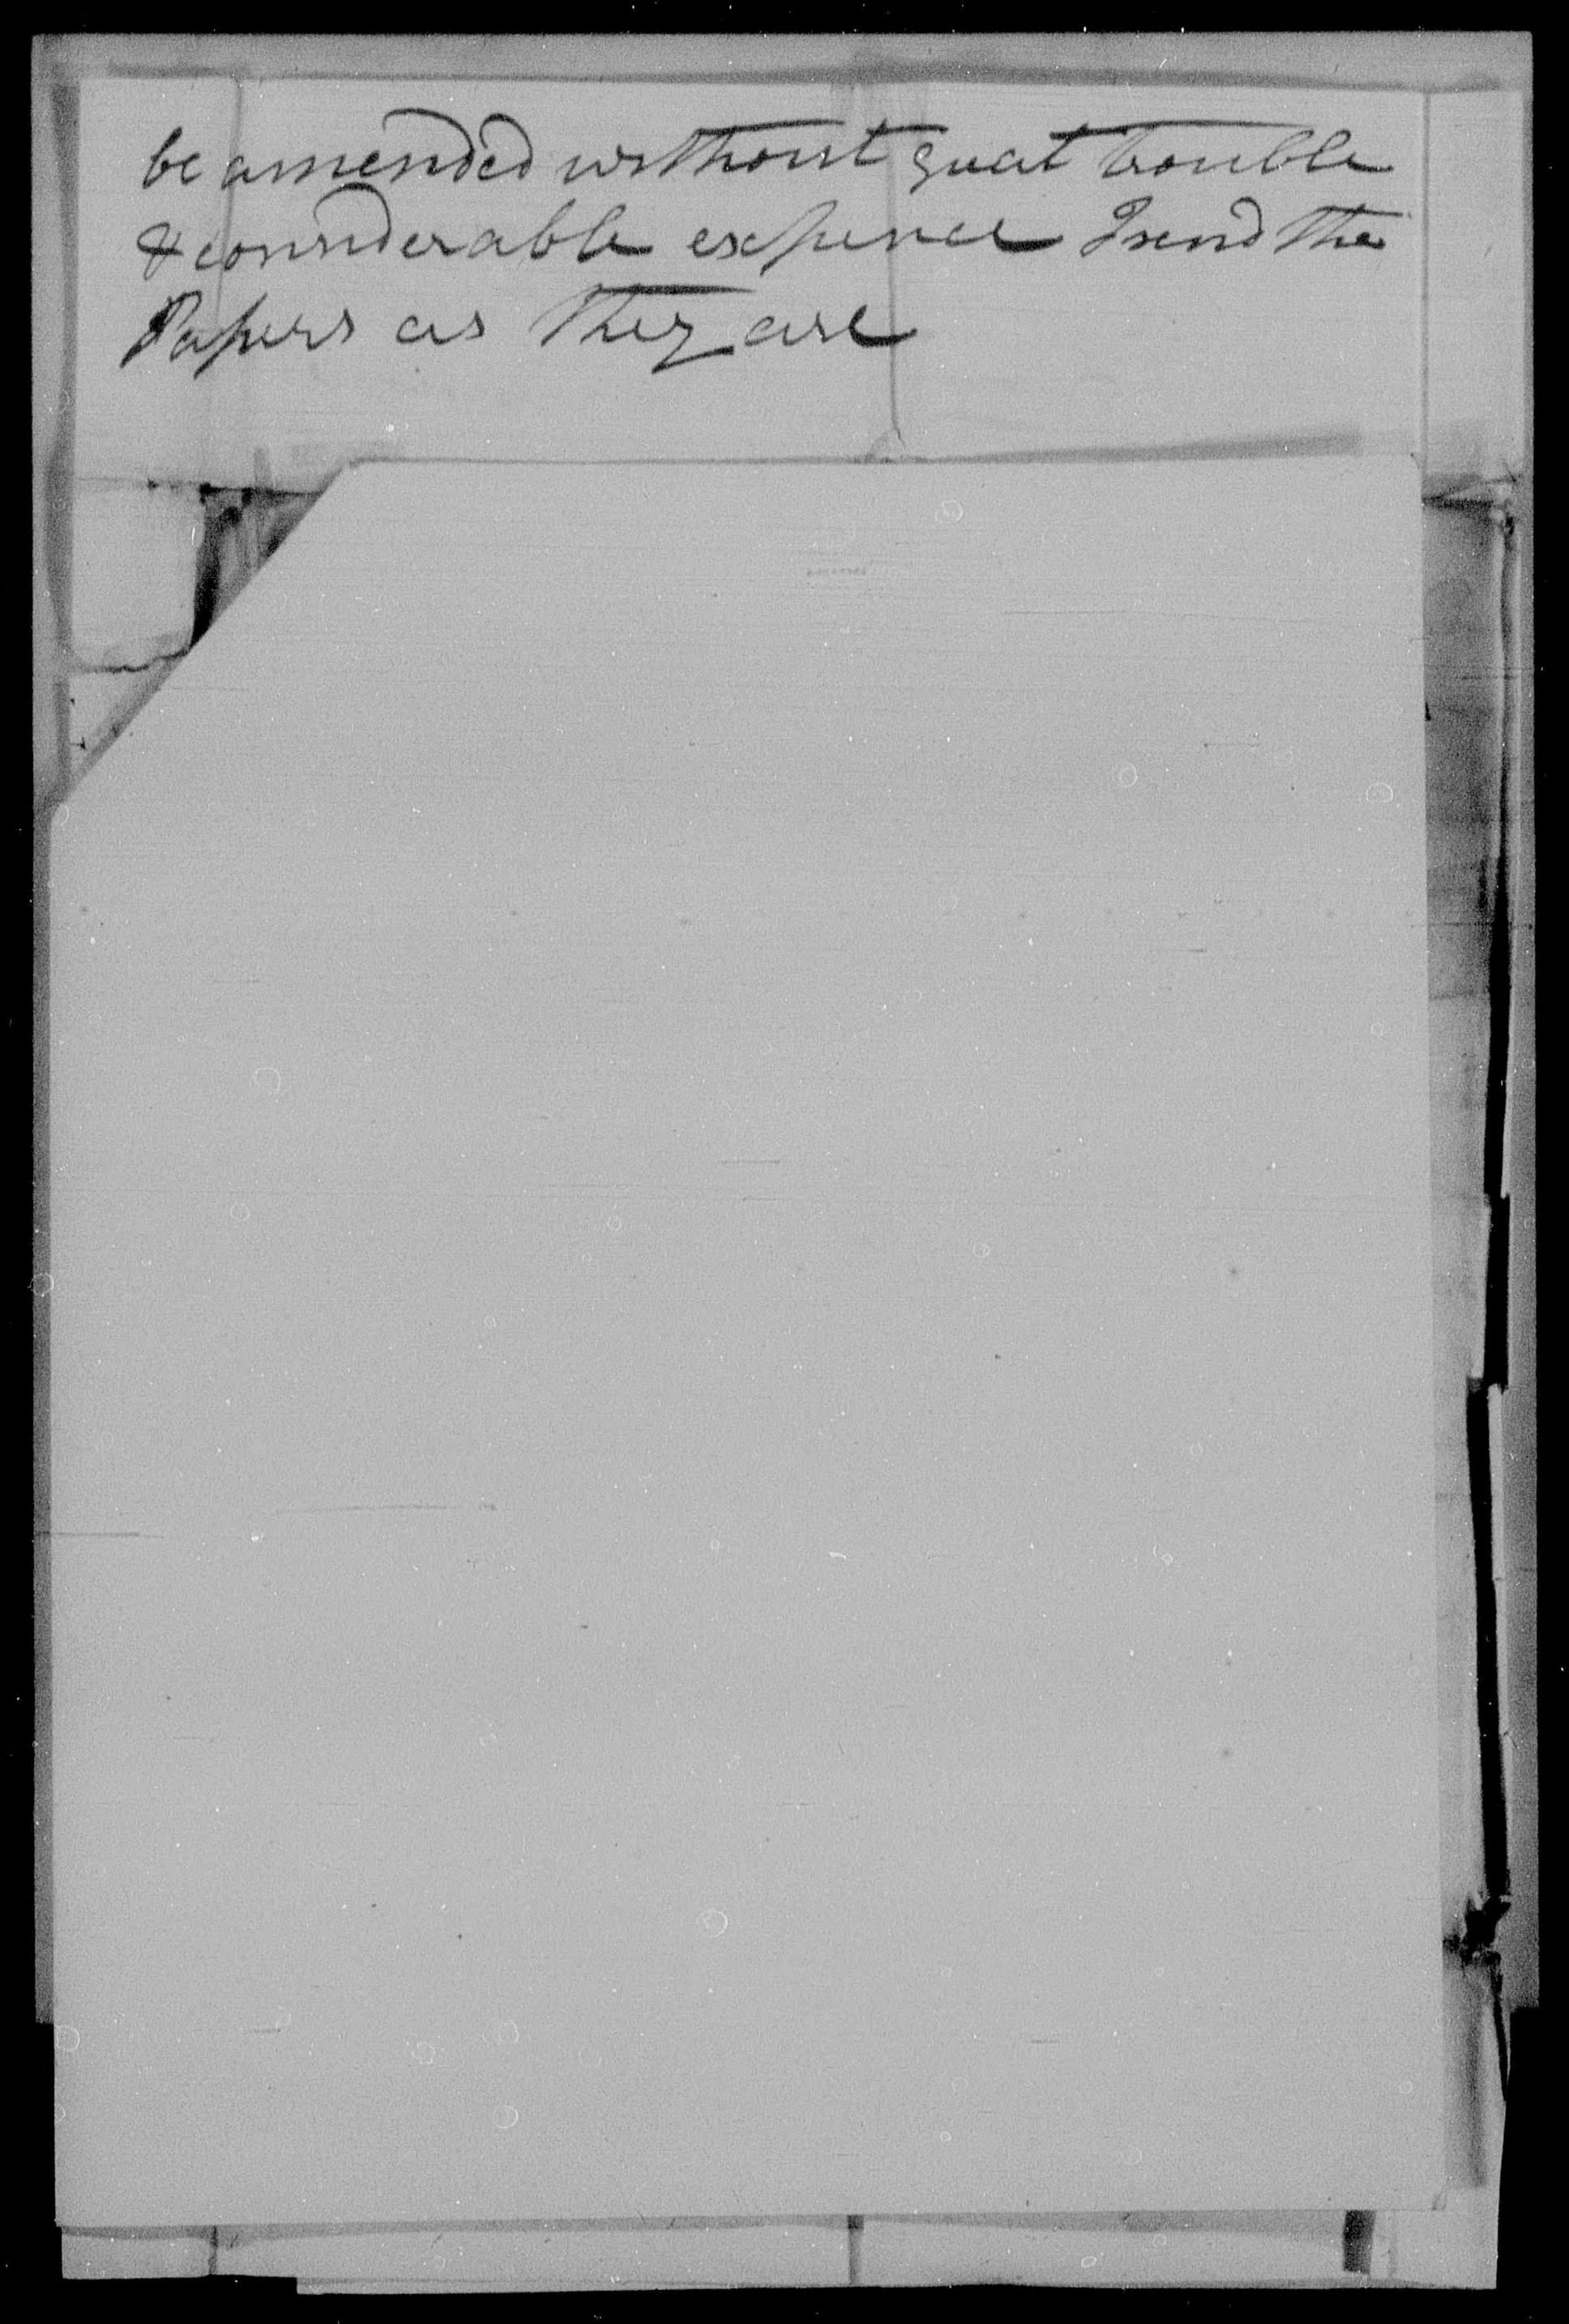be amended without great trouble
& considerable expence [expense] send the
Papers as they are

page: 27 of 64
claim: survivor's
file: S. 42,464, for William Terwilliger, New York